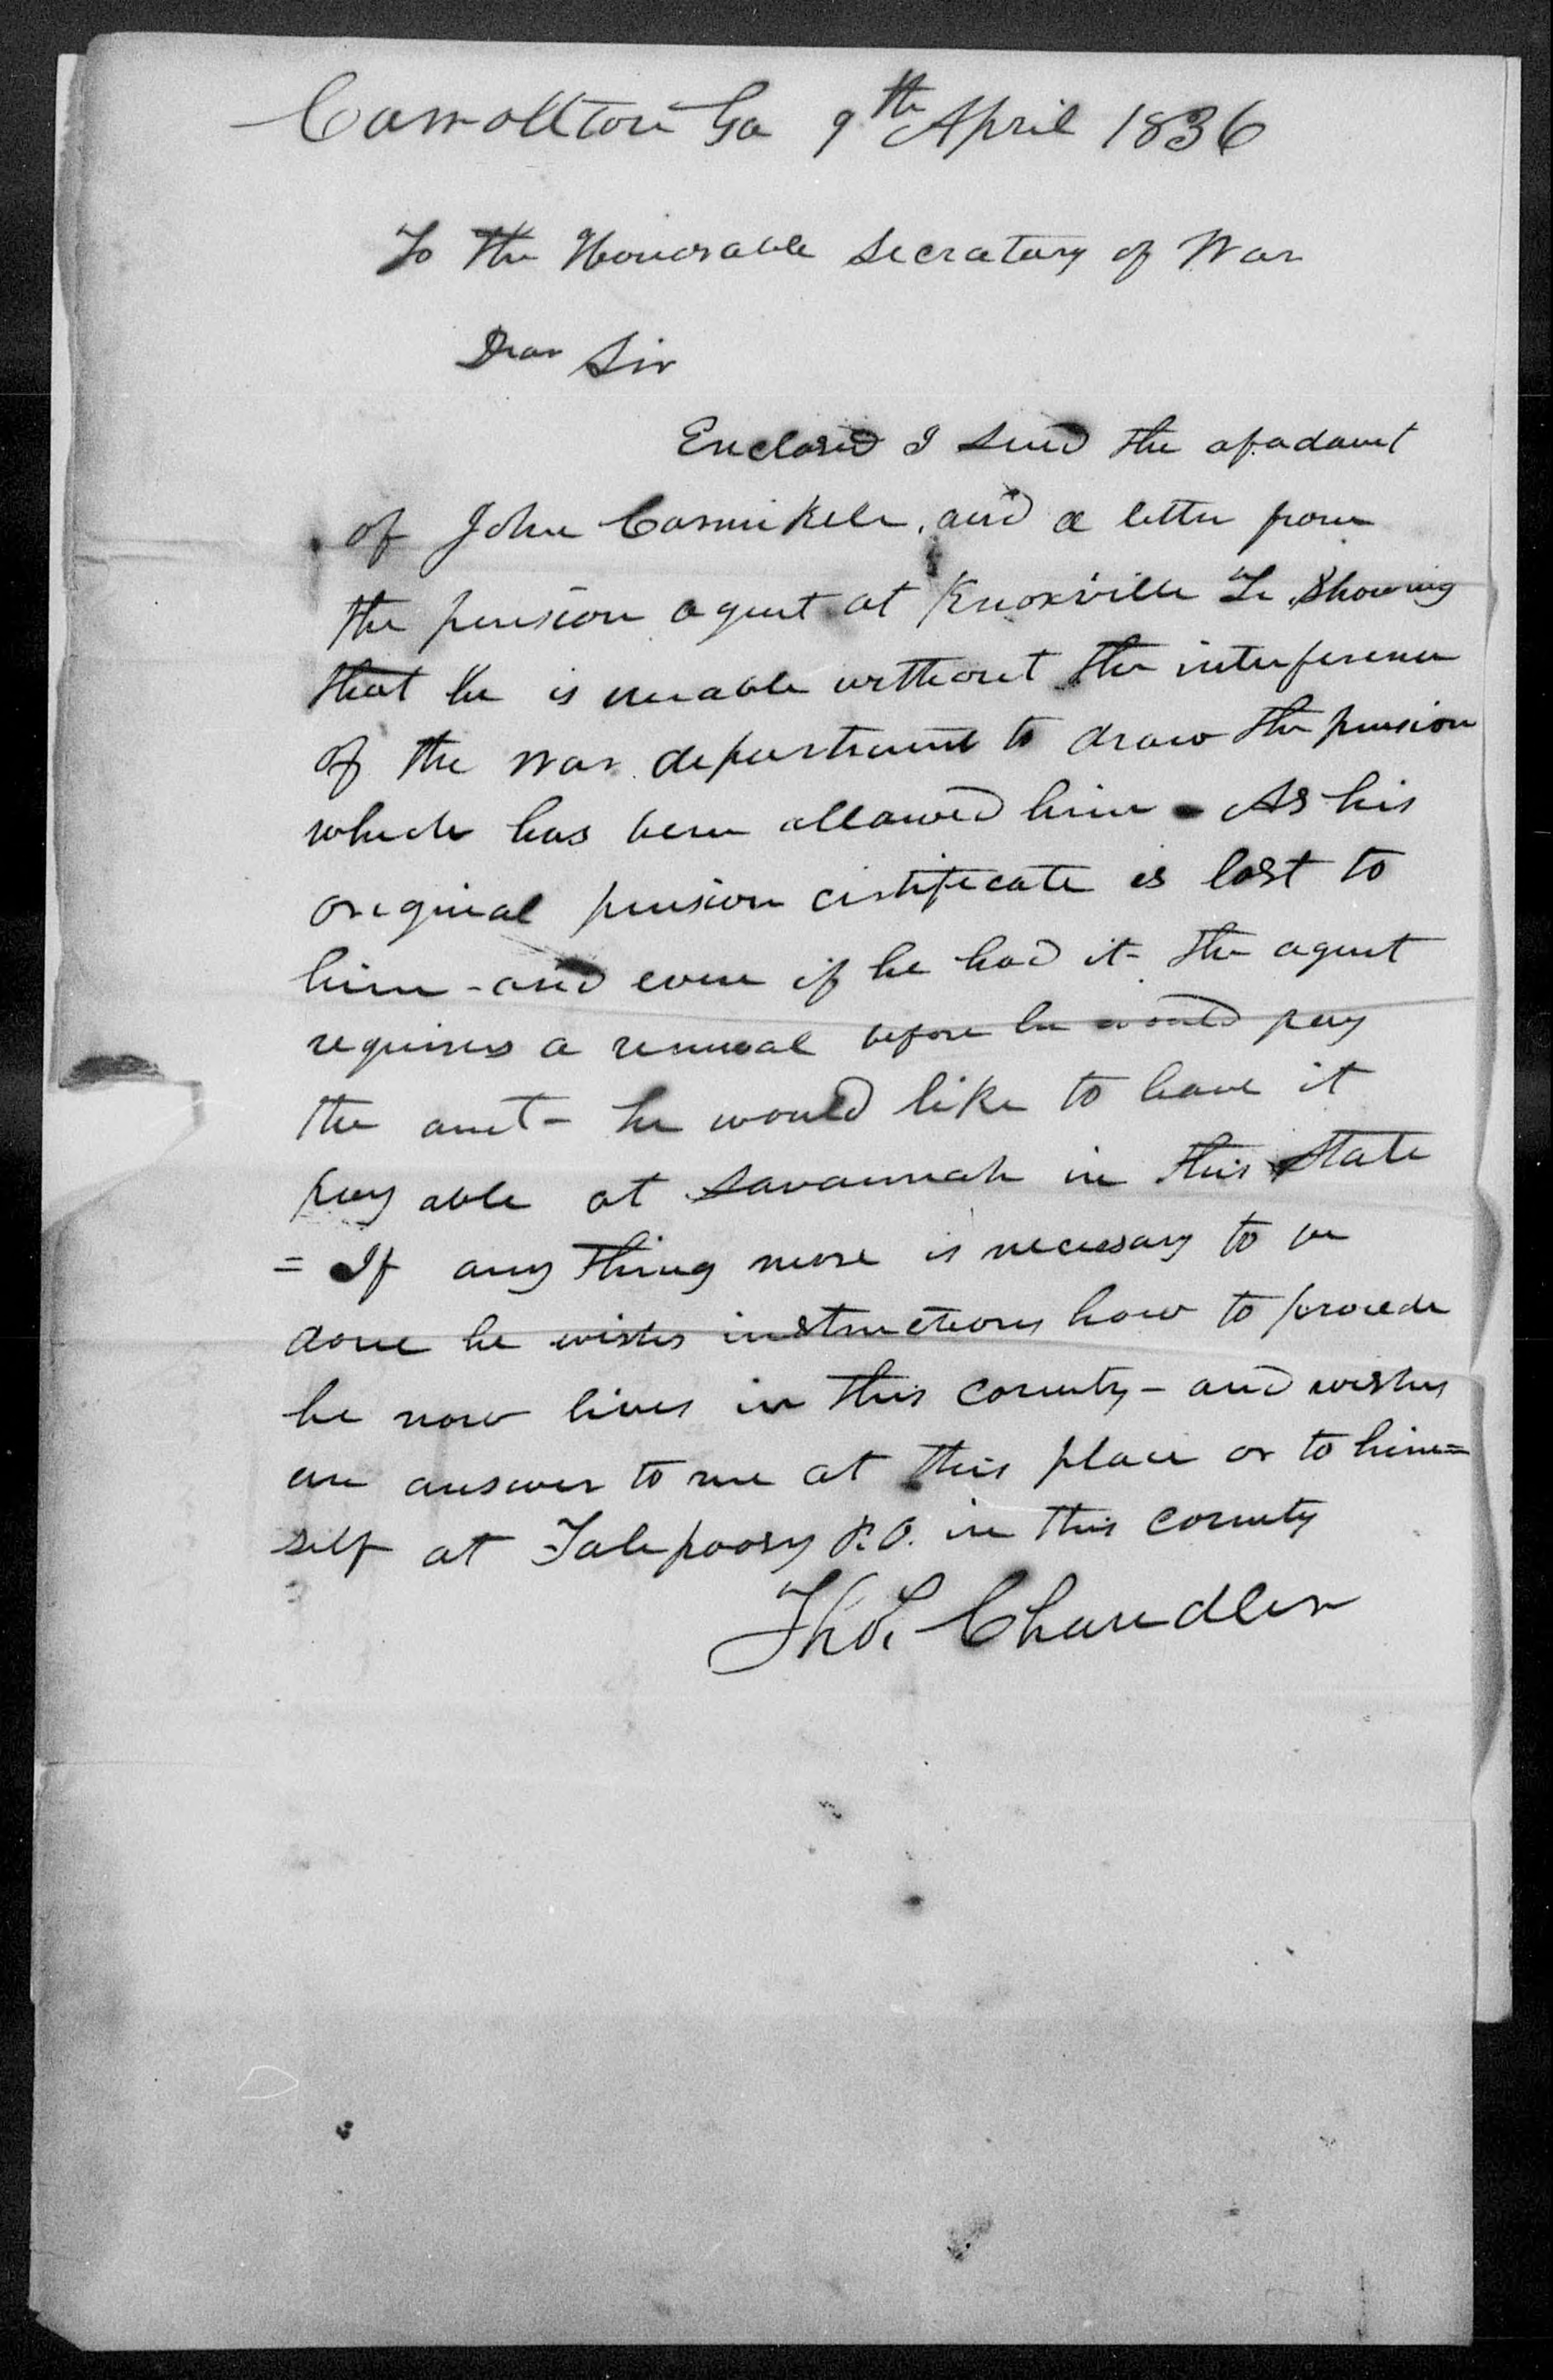Carrolltown, GA
9th April 1836

To the Honorable Secretary of War

Dear Sir:
Enclosed I send the affidavit of John Carmikele, and a letter from the pension agent at Knoxville 
Tn showing that he is unable without the interference of the War department to draw the pension which has been allowed him.  As his original pension certificate is lost to him, and even if he had it, the agent requires a ?renewal before he would pay the amount.  He would like to have it payable at Savannah in this state.  If anything more is necessary to be done he wishes instructions how to proceed.  He now lives in this county and wishes an answer to me at this place or to himself at Talepoosy[sp] P.O in this county.
Thos. Chandler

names: Thos Chandler, John Carmikele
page: 19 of 42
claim: survivor's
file: S. 31,595, John Carmickele, Penn.